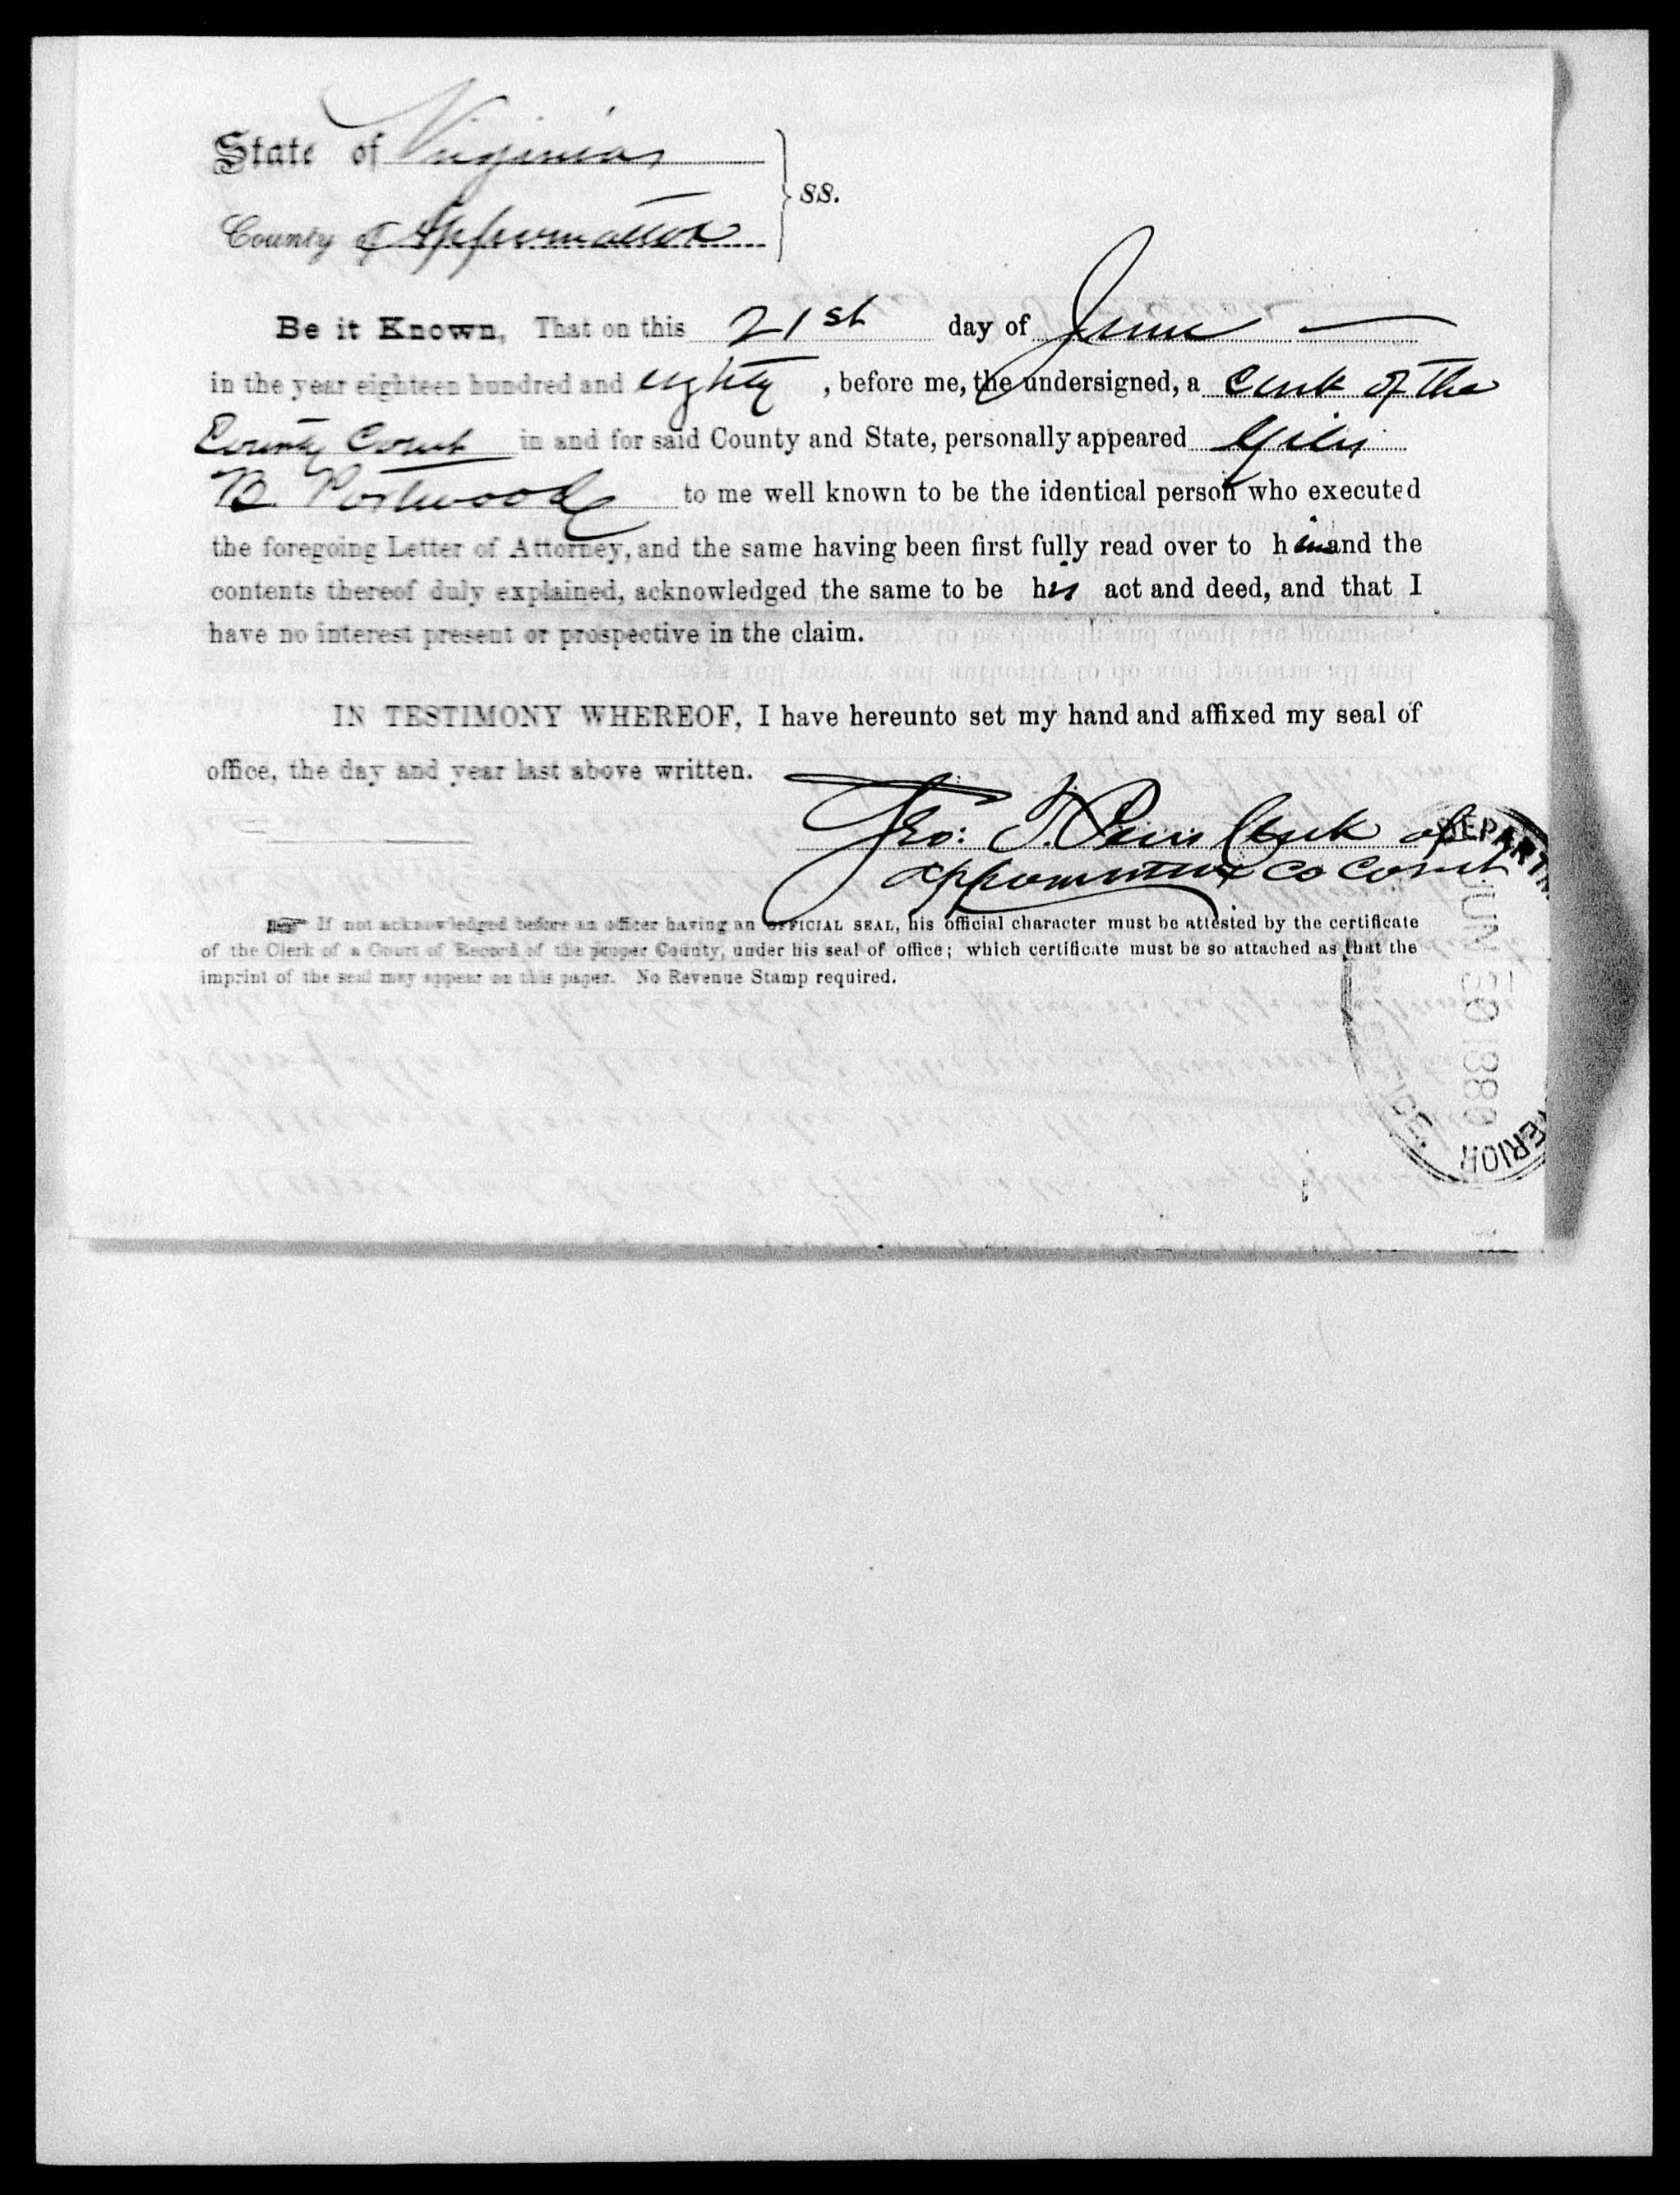State of Virginia
| SS.
County Appomattox
Be it Known, That on this 21st day of June -
in the year eighteen hundred and eighty, before me, the undersigned, a clerk of the
County Court in and for said County and State, personally appeared Giles
B Portwood to me well known to be the identical person who executed
the foregoing Letter of Attorney, and the same having been first fully read over to him and the
contents thereof duly explained, acknowledged the same to be his act and deed, and that I
have no interest present or prospective in the claim.
IN TESTIMONY WHEREOF, I have hereunto set my hand and affixed my seal of
office, the day and year last above written.
Geo: T. Peers Clerk of
Appomattox Co Court
If not acknowledged before an officer having an OFFICIAL SEAL, his official character must be attested by the certificate
of the Clerk of a Court of Record of the proper County, under his seal of office; which certificate must be so attached as that the
imprint of the seal may appear on this paper. No Revenue Stamp required.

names: Geo T Peers; Giles B Portwood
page: 26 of 50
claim: widow's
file: W. 1929, for Lloyd Portwood, Virginia